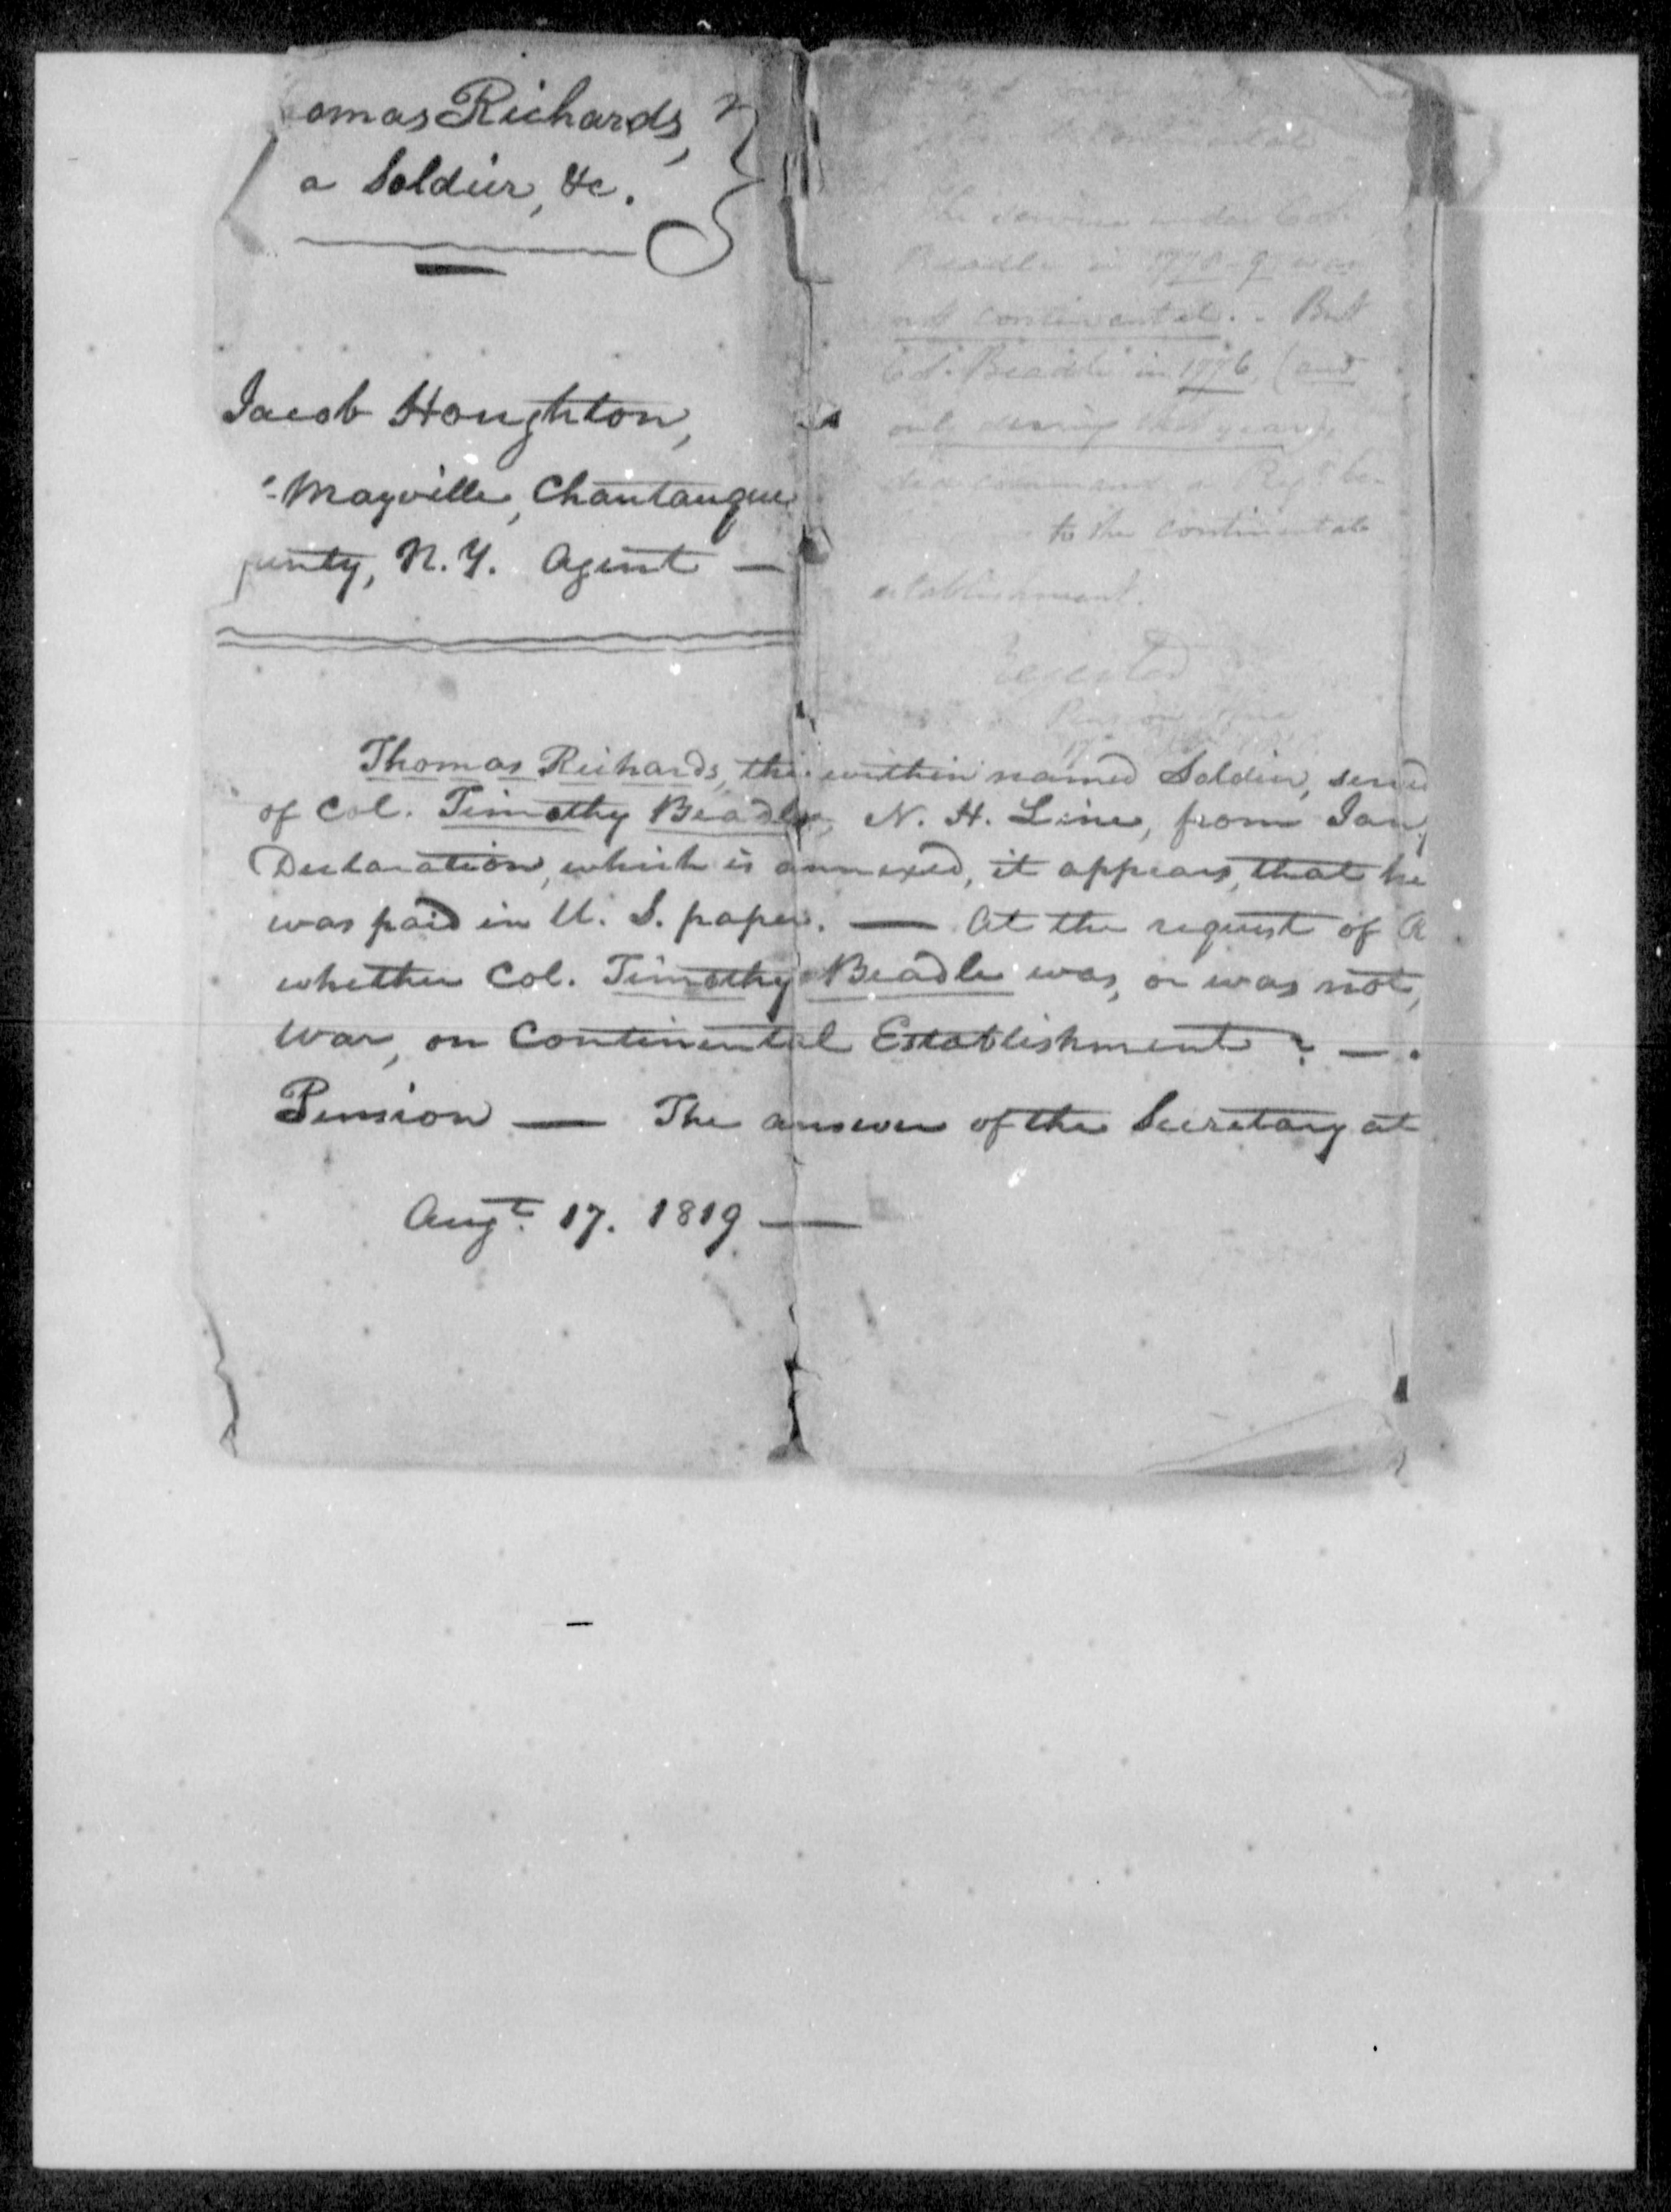Thomas Richards
a Soldier, &c. [ETC.]}
Jacob Houghton
Mayville Chautauqua County, N.Y. Agent -
[top right] [illegible] the continental [illegible]
The service under Col. Beadle in 1778 -79 was not continental. But Col. Beadle in 1776, (and only serving that year) did command a Regt. [REGIMENT] [illegible] to the continental establishment. 
Rejected [illegible] Pension Office [illegible]

Thomas Richards, the within named Soldier, served [in the company of Capt. [CAPTAIN] Ladd, & Regiment] of Col. [COLONEL] Timothy Beadle, N.H. Line, from Jany [JANUARY] [[17]'78 to Jany [17]'79 - By an additional]
Declaration, which is annexed, it appears, that he [drew his arms &c from the Publick Stores &] was paid in U.S. paper.-- At the request of Richards, I return the papers, for information] whether Col. Timothy Beadle was, or was not, [in the Service of the U.S. in the Revolutionary] war, on Continental Establishment.- [If he was, Richards is entitled to his] Pension - The answer of the Secretary at [war is requested -
J. Houghton Agent Mayville, Chautauqua Co. N. Y.]
Augt [AUGUST] 17. 1819 -
---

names: Thomas Richards; Timothy Beadle; Timothy Beadle; Jacob Houghton; Thomas Richards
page: 27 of 109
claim: widow's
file: W. 5709, for Thomas Richards, New Hampshire